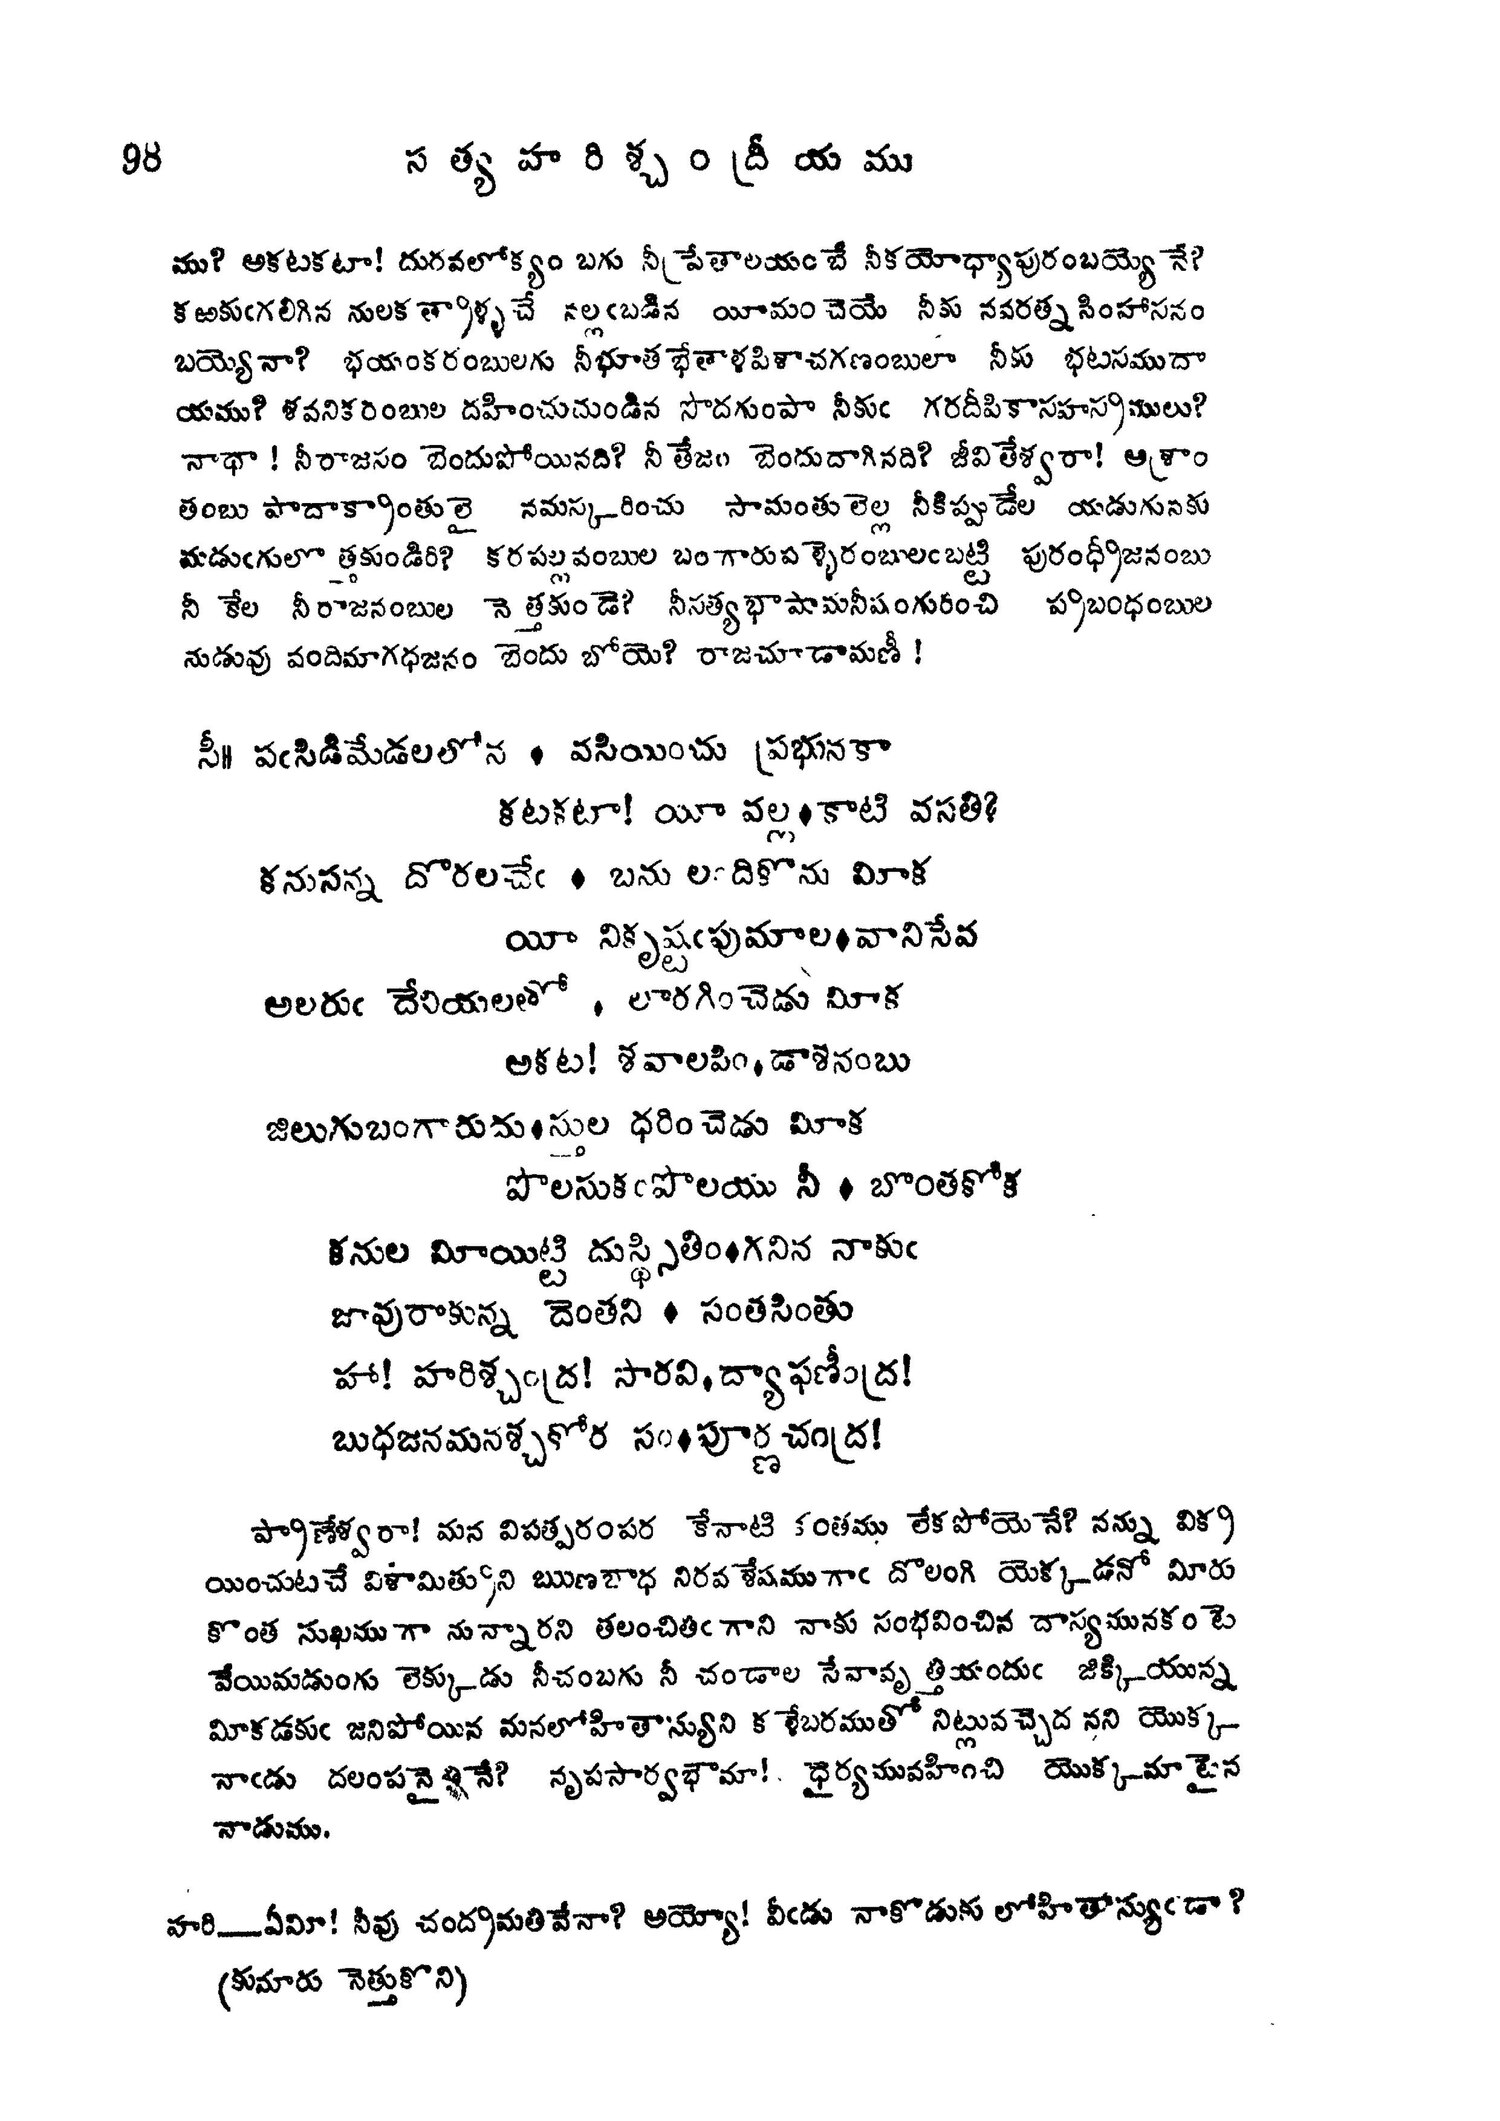ము? అకటకటా! దురవలోక్యంబగు నీ ప్రేతాలయంచే నీ కయోధ్యాపురం బయ్యెనే? కఱకుఁ గలిగిన నులకత్రాళ్ళచే నల్లబడిన యీ మంచెయే నీకు నవరత్న సింహాసనం బయ్యెనా? భయంకరంబులగు నీ భూతభేతాళ పిశాచ గణంబులా నీకు భట సముదాయము? శవనికరంబుల దహించుచుండిన సొదగుంపా నీకు చరదీపికా సహస్రములు? నాథా! నీ రాజసం బెందుఁ బోయినది? నీ తేజంబెందు దాగినది? జీవితేశ్వరా! అశ్రాంతంబు పాదాక్రాంతులై నమస్కరించు సామంతులెల్ల నీ కిప్పుడేల యడుగులకు మడుగు లొత్త కుండిరి! కరపల్లవంబుల బంగారు పళ్ళెరంబుల బట్టి పురంధ్రీ జనంబు నీకేల నీరాజనంబుల నెత్తకుండె! నీ సత్యసంభాషామనీషం గుఱించి ప్రబంధముల నుడువు వందిమాగధ జనంబెందు బోయె! రాజచూడామణీ!

సీ. పసిఁడిమేడలలోన వసియించు ప్రభునకా
 కటకటా! యీ వల్లకాటి వసతి
కనుసన్న దొరలచేఁ బనులందికొను మీక
 యీ నికృష్టపు మాలవాని సేవ!
అలరుఁ దేనియలతో నారగించెడు మీకా
 యకట! శవాల పిండాశనంబు
జిలుగు బంగారు దుస్తుల ధరించెడు మీక
 పొలుసు కంపొలయు నీ బొంతకోక!

 	 కనుల మీ యిట్టి దుస్థితిం గనిన నాకుఁ
 జావురాకున్న దెంతని సంతసింతు!
 హా హరిశ్చంద్ర! సార విద్యాఫణీంద్ర
 బుధజన మనశ్చకోర సంపూర్ణచంద్ర!

ప్రాణేశ్వరా! మన విపత్పరంపరకే నాఁటి కంతము లేక పోయెనే? నన్ను విక్రయించుటచే విశ్వామిత్రుని ఋణబాధ నిరవశేషముగాఁ దొలంగి యెక్కడనో మీరు కొంత సుఖముగా నున్నారని దలంచితిఁ గాని నాకు సంభవించిన దాస్యమున కంటె వేయిమడుంగు లెక్కుడు నీచంబగు నీచండాల సేవావృత్తియందుఁ జిక్కియున్న మీ కడకుఁ జనిపోయిన లోహితాస్యుని కళేబరముతో నిటుల వచ్చెదనని యొక్క నాఁడు దలంపనైతినే? నృపసార్వభౌమా! ధైర్యము వహించి యొక్క మాటైన నాడుము.

హరి - ఏమీ! నీవు చంద్రమతివా? అయ్యో! వీఁడు నా కొడుకు లోహితాస్యుఁడా! 
(కుమారునెత్తుకొని)